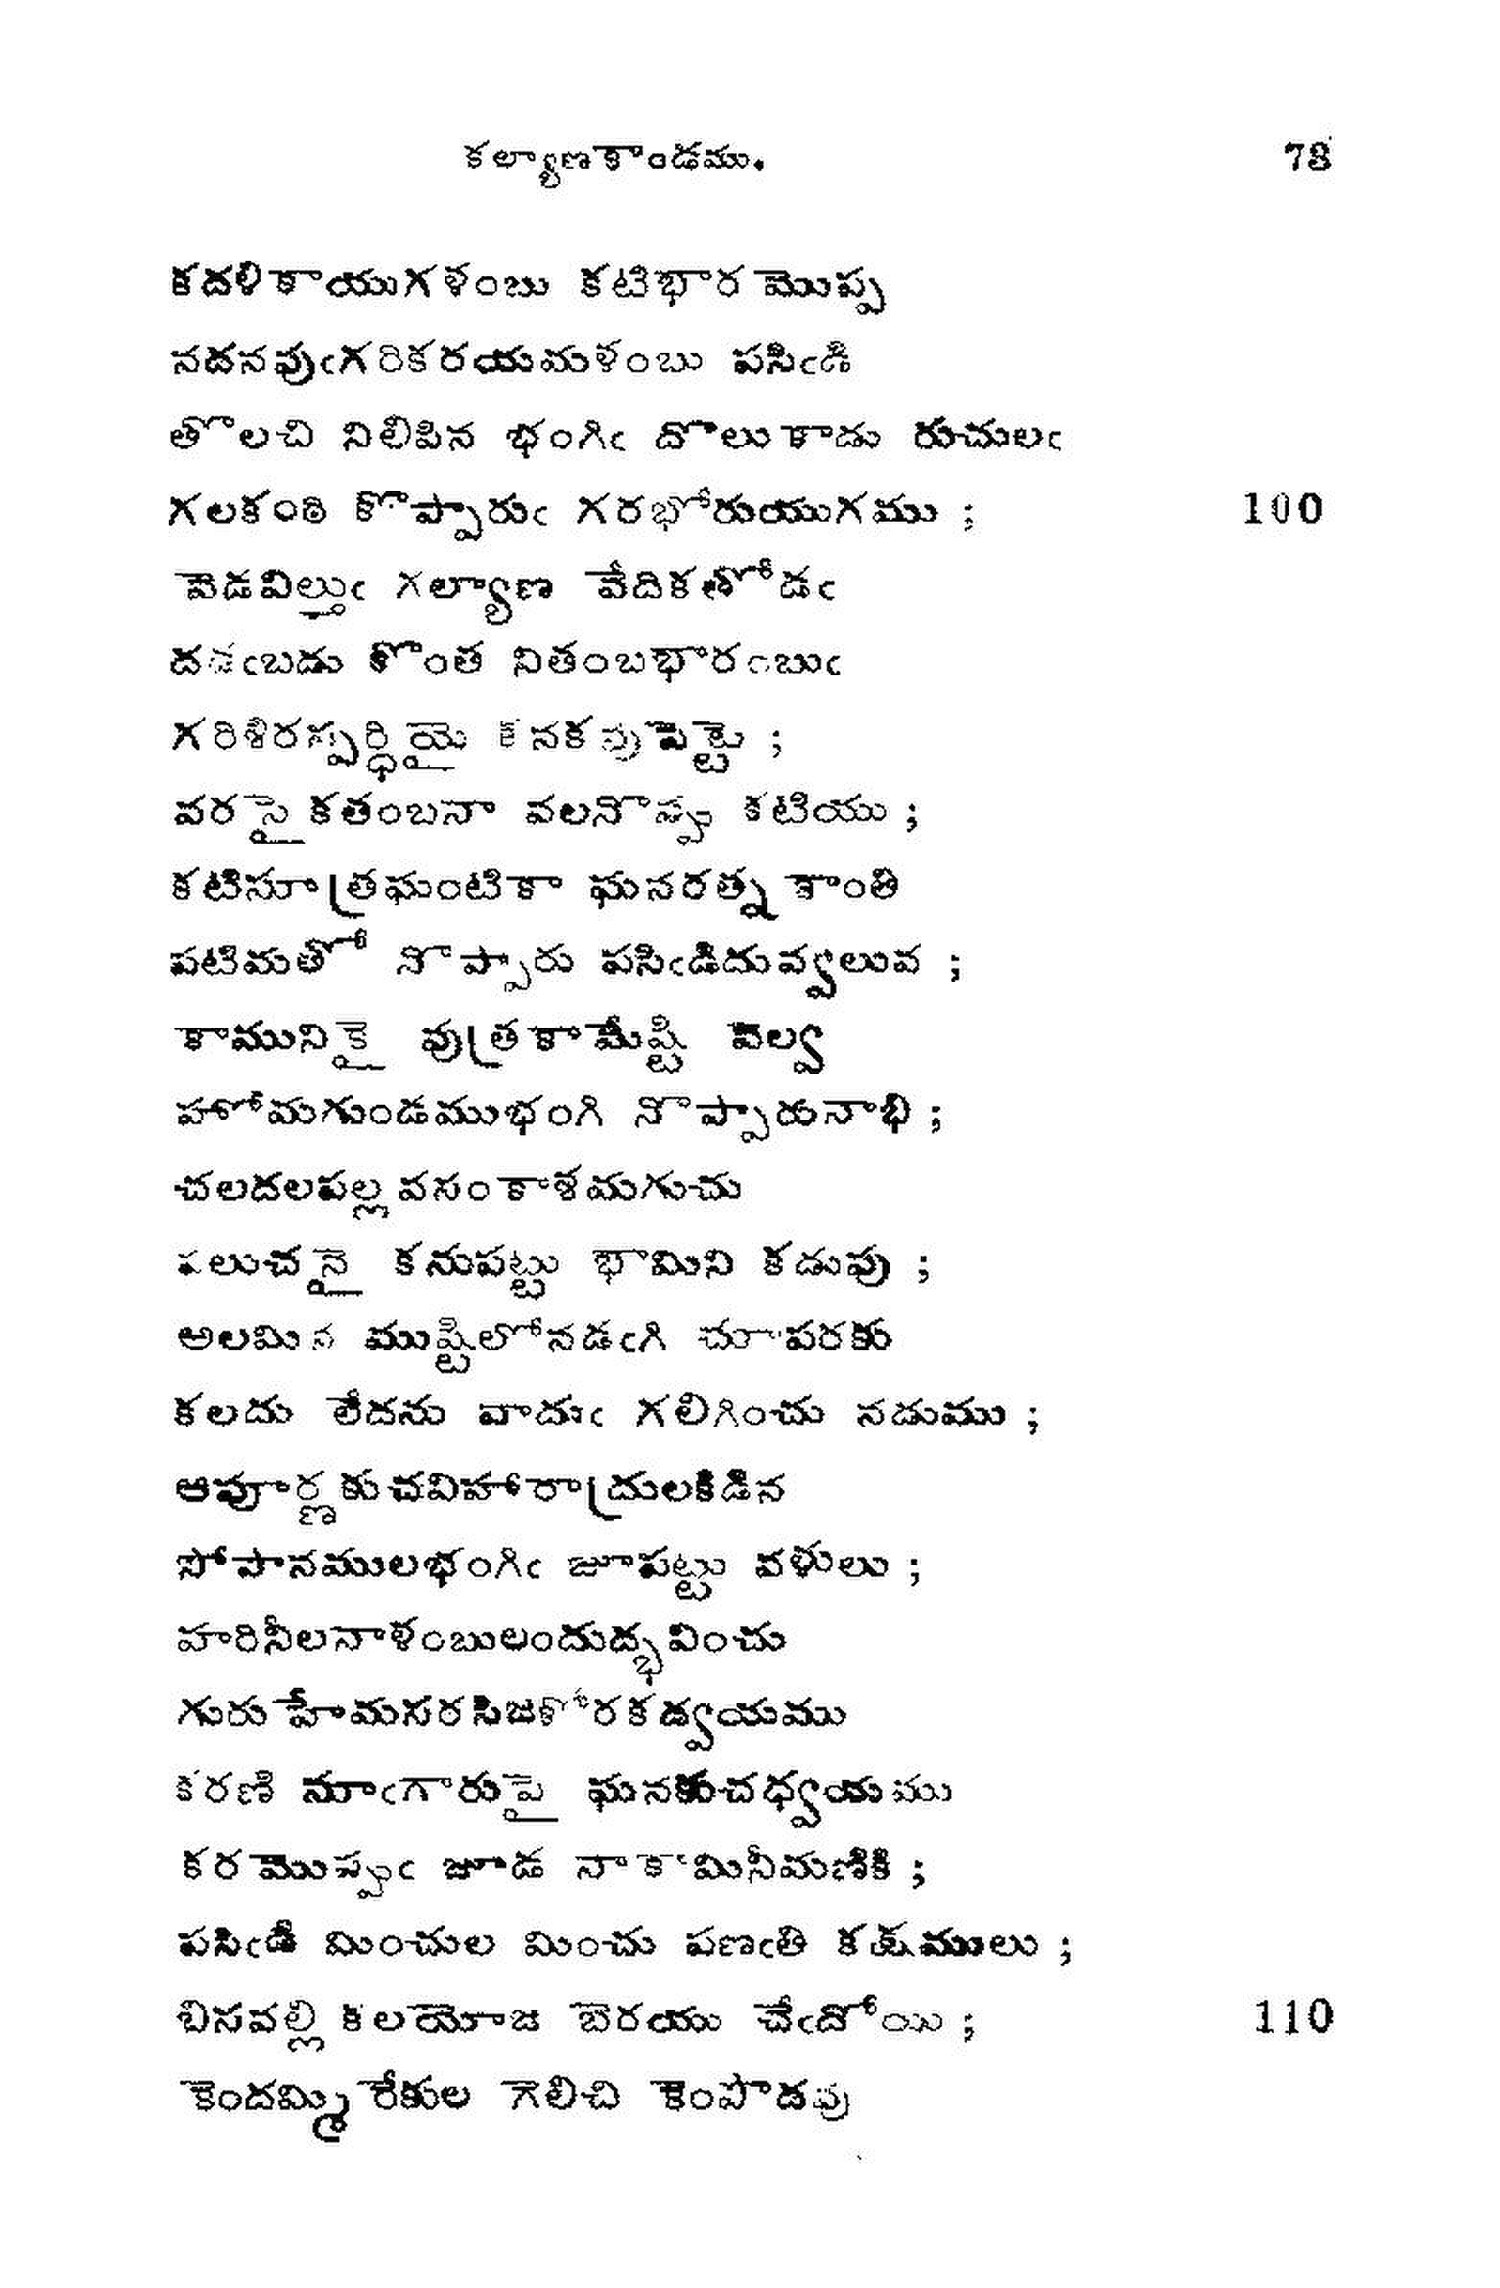కదళికాయుగళంబు కటిభార మొప్ప
నదనపుఁగరికరయమళంబు పసిఁడి
తొలచి నిలిపిన భంగిఁ దొలుకాడు రుచులఁ
గలకంఠి కొప్పారుఁ గరభోరుయుగము;
వెడవిల్తుఁ గల్యాణవేదిక తోడఁ
దడఁబడు కొంత నితంబభారంబుఁ
గరిశిరస్పధియై కనకపుపెట్టె;
వరసైకతంబనా వలనొప్పు కటియు;
కటిసూత్రఘంటికాఘనరత్నకాంతి
పటిమతో నొప్పారు పసిఁడిదువ్వలువ;
కామునికై పుత్రకామేష్టి వెల్వ
హోమగుండముభంగి నొప్పారు నాభి;
చలదలపల్లవసంకాశమగుచు
పలుచనై కనుపట్టు భామిని కడుపు;
అలమిన ముష్టిలో నడఁగి చూపరకు
కలదు లేదను వాదుఁ గలిగించు నడుము;
ఆపూర్ణకుచవిహారాద్రులకిడిన
సోపానములభంగిఁ జూపట్టు వళులు;
హరినీలనాళంబులం దుద్భవించు
గురుహేమసరసిజకోరకద్వయము
కరణి నూఁగారుపై ఘనకుచద్వయము
కరమొప్పుఁ జూడ నా కామినీమణికి;
పసిఁడి మించుల మించు పణఁతి కక్షములు;
బిసవల్లి కలయోజ బెరయు చేఁదోయి;
కెందమ్మిరేకుల గెలిచి కెంపొదవు